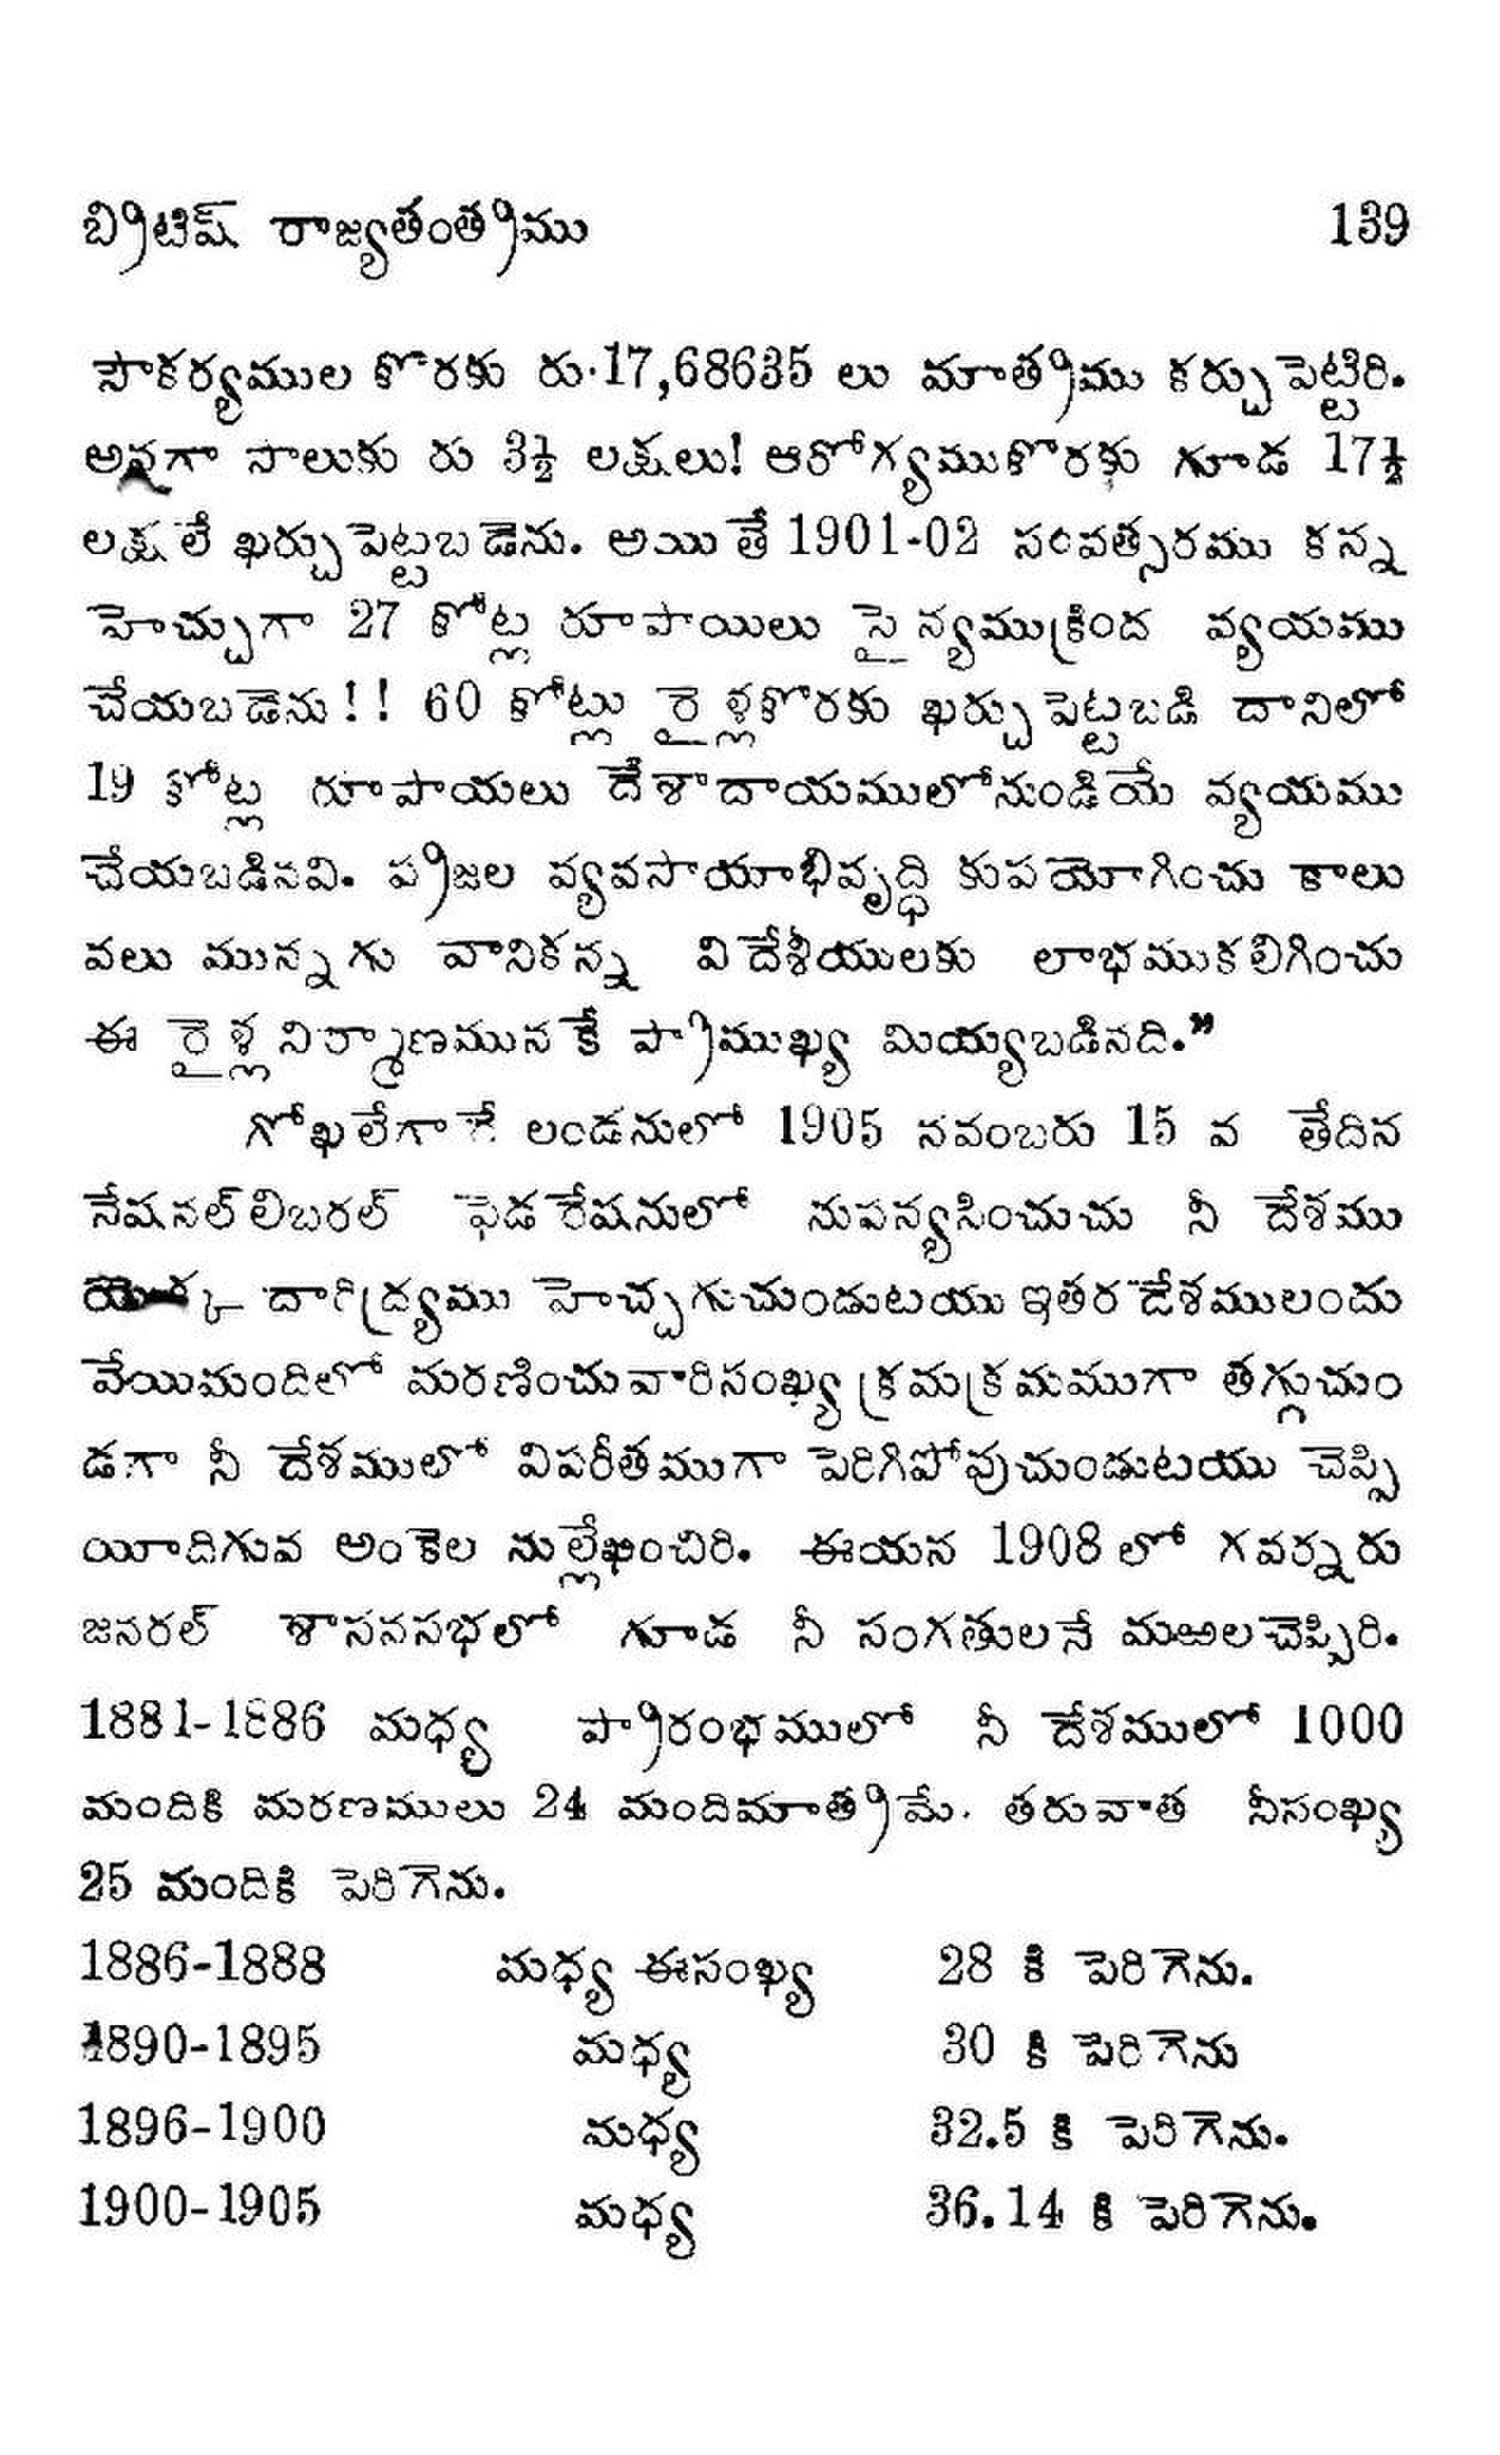సౌకర్యముల కొరకు రు.17,68635 లు మాత్రము కర్చుపెట్టిరి. అనగా సాలుకు రు 3 1/2 లక్షలు! ఆరోగ్యముకొరకు గూడ 17 1/2 లక్షలే ఖర్చుపెట్టబడెను. అయితే 1901-02 సంవత్సరము కన్న హెచ్చుగా 27 కోట్ల రూపాయిలు సైన్యముక్రింద వ్యయము చేయబడెను ! ! 60 కోట్లు రైళ్లకొరకు ఖర్చుపెట్టబడి దానిలో 19 కోట్ల రూపాయలు దేశాదాయములోనుండియే వ్యయము చేయబడినవి. ప్రజల వ్యవసాయాభివృద్ధి కుపయోగించు కాలువలు మున్నగు వానికన్న విదేశీయులకు లాభముకలిగించు ఈ రైళ్ల నిర్మాణమునకే ప్రాముఖ్య మియ్యబడినది.”

గోఖలేగారే లండనులో 1905 నవంబరు 15 వ తేదీన నేషనల్ లిబరల్ ఫెడరేషనులో సుపన్యసించుచు నీ దేశముయొక్క దారిద్ర్యము హెచ్చగుచుండుటయు ఇతరదేశములందు వేయిమందిలో మరణించువారిసంఖ్య క్రమక్రమముగా తగ్గుచుండగా నీ దేశములో విపరీతముగా పెరిగిపోవుచుండుటయు చెప్పి యీదిగువ అంకెల నుల్లేఖించిరి. ఈయన 1908 లో గవర్నరు జనరల్ శాసనసభలో గూడ నీ సంగతులనే మఱలచెప్పిరి. 1881-1886 మధ్య ప్రారంభములో నీ దేశములో 1000 మందికి మరణములు 24 మందిమాత్రమే. తరువాత నీసంఖ్య 25 మందికి పెరిగెను. 

1886-1888 మధ్య ఈసంఖ్య 28 కి పెరిగెను. 

1890-1895 మధ్య 30 కి పెరిగెను 

1896-1900 మధ్య 32.5 కి పెరిగెను. 

1900-1905 మధ్య 36.14 కి పెరిగెను.